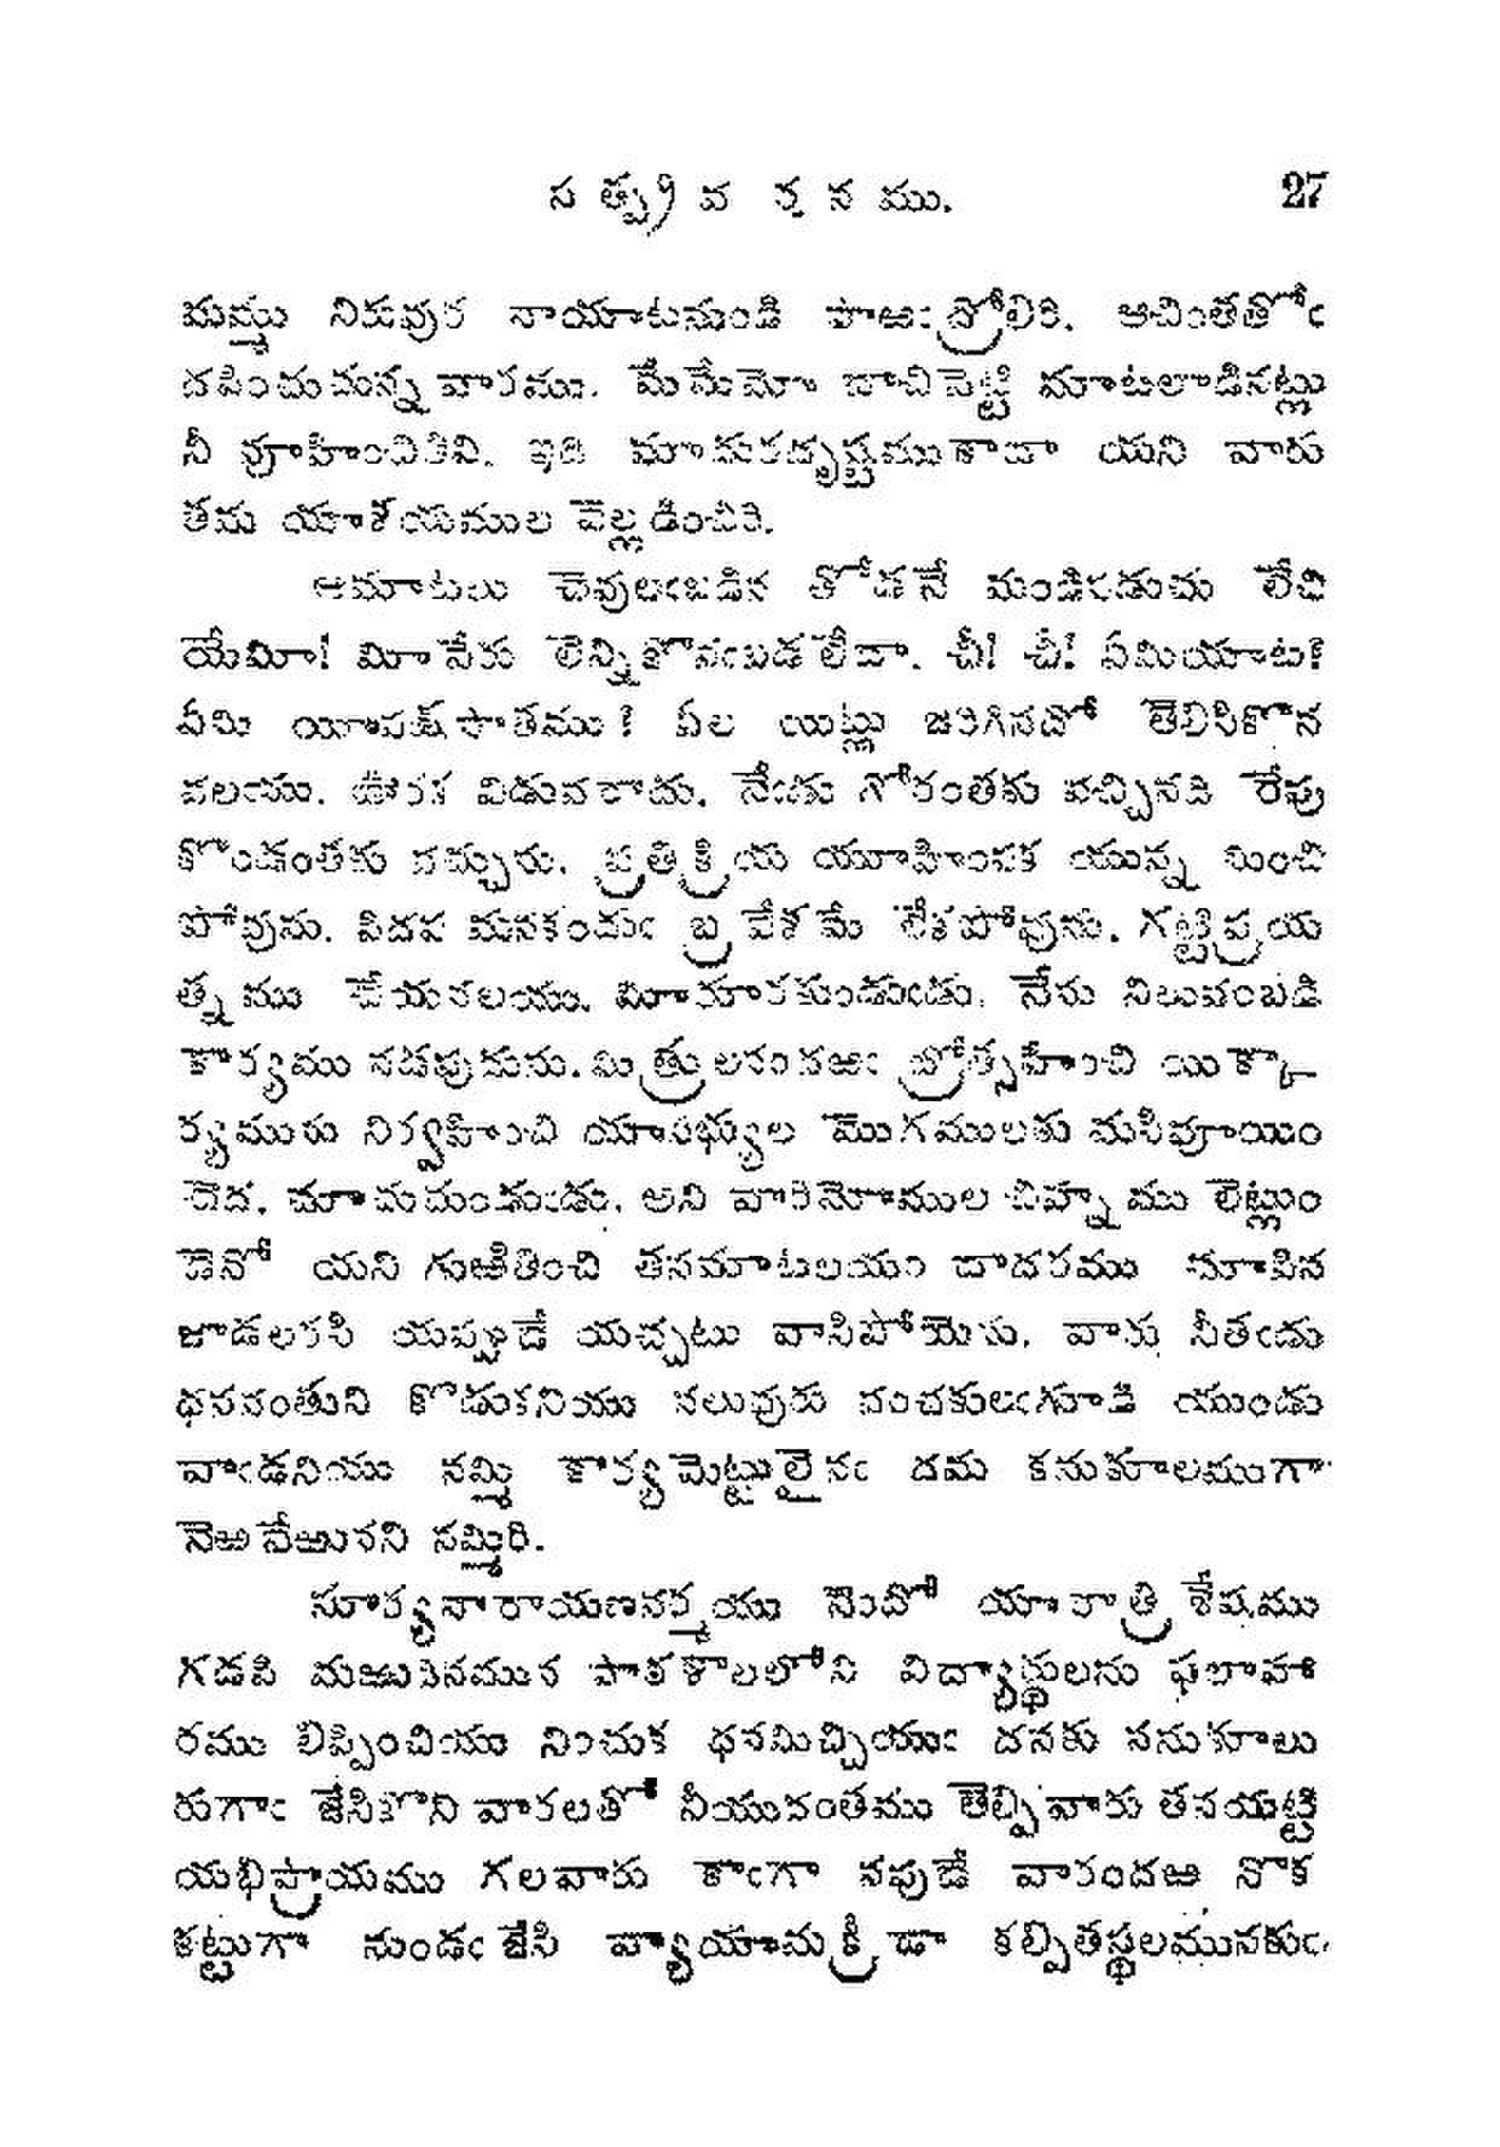మమ్ము నిరువుర నాయాటనుండి పొఱద్రోలిరి. ఆచింతతో దపించుచున్న వారము. మేమేమో" దాచిపెట్టి మాటలాడినట్లు నీ వూహించివి. ఇది మాదురద్రుష్టము కాదా యని వారు తమ యాశయముల వెల్లడించిరి. 

ఆమాటలు చెవులబడిన తోడనే మండిపడుచు లేచి యేమీ! మీపేరు ఎన్నుకొన బడలేదా. చీ చీ: ఏమియాట! ఏమి పక్ష పాత్రను ? ఏల ఇట్లు జగినదో తెలిసికొన పలము. ఊర్కవిడువరాదు. నేడు గోరంతకు వచ్చినది. "రేపు కొండంతకు వచ్చును. ప్రతిక్రియ యూహింపక కున్న మించి పోవును. పిదప మనకందుఁ బ్రవేశమే పోవును. గుట్టిప్రయత్నము చేయవలయు. మీరూరకుండుడు.. నేను నిలువంబడి కార్యము నడుపుదును. మిత్రులందరని ప్రోత్సాహించి యక్కార్యమును నిర్వహించి యా సభ్యులు 'మొగములకు మసిపూయించెద. చూ ముచుండుడు, అని వారి మోముల చిహ్నము లెట్లుండునో యని గుఱితించి తనమాటలయందాదరము చూపిన జాడలాని యప్పుడే యచ్చటు వాసిపోయెను. వారు సీతఁడు ధనవంతుని కోడుకనియు పలువురు వంచకుల సూక్తి యుండు వాఁడనియు నమ్మి కార్య మెట్టులైన దమ కనుకూలముగా నెఱవేఱునని సమ్మిరి.

సూర్యనారాయణనవర్మయు నెందో యారాత్రి, శేషము గడపి మఱు దినమున పాఠశాలలోని విద్యార్థులను ఫలాహారము లిప్పించియు నిందుక ధనమిచ్చియుం దనకు ననుకూలురుగాఁ జేసికొని వారలతో నీయుదంతము తెల్పివారు తనయట్టి యభిప్రాయము గలవారు కాగా నపుడే వారందఱ నొక కట్టుగా నుండఁ జేసీ వ్యాయామ
క్రీడా కల్పిత స్థలమునకుఁ.